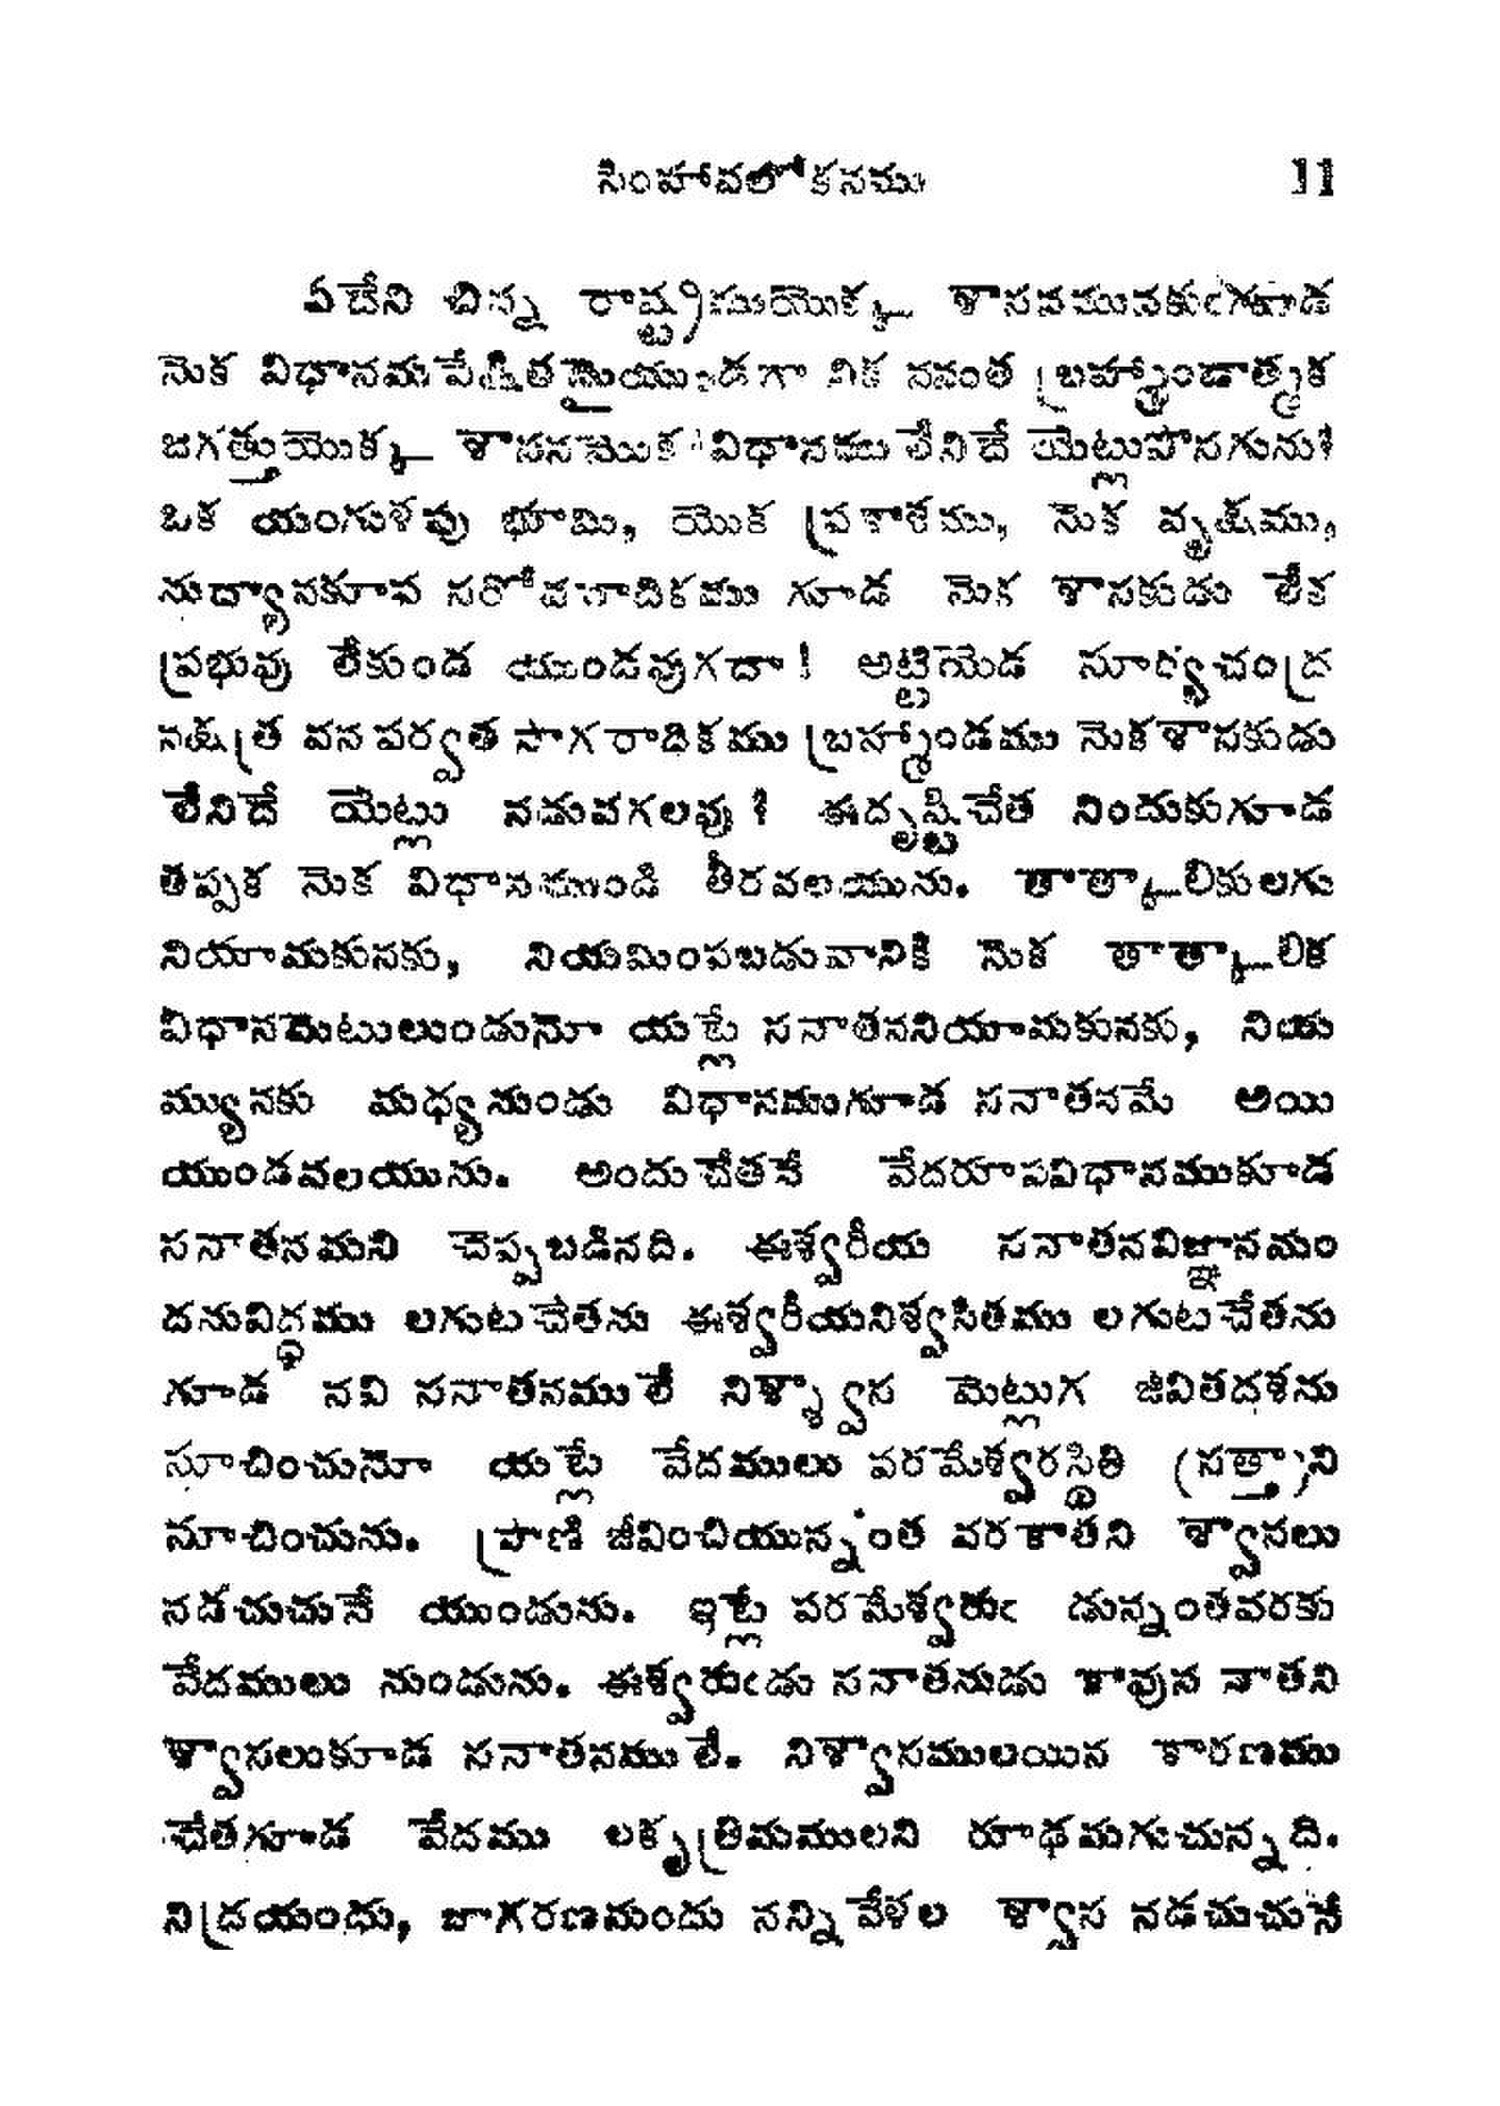ఏదేని చిన్న రాష్ట్రముయొక్క శాసనమునకుఁగూడ 
నొక విధానమపేక్షితమైయుండగా నిక ననంత బ్రహ్మాండాత్మక
జగత్తుయొక్క శాసనమొక విధానము లేనిదే యెట్లు పొసగును?
ఒక యంగుళపు భూమి, యొక ప్రకాశము, నొక వృక్షము,
నుద్యానకూప సరోవరాదికము గూడ నొక శాసకుడు లేక
ప్రభువు లేకుండ యుండవుగదా! అట్టియెడ సూర్యచంద్ర
నక్షత్ర వన పర్వత సాగరాదికము బ్రహ్మాండము నొకశాసకుడు
లేనిదే యెట్లు నడువగలవు? ఈదృష్టిచేత నిందుకుగూడ
తప్పక నొక విధానముండి తీరవలయును. తాత్కాలికులగు
నియామకునకు, నియమింపబడువానికి నొక తాత్కాలిక
విధానమెటులుండుమో యటే సనాతననియామకునకు, నియ
మ్యునకు మధ్యనుండు విధానము గూడ సనాతనమే అయి 
యుండవలయును.అందుచేతనే వేదరూపవిధానముకూడ 
సనాతనమని చెప్పబడినది. ఈశ్వరీయ సనాతన విజ్ఞానమం
దనువిద్ధము లగుటచేతను ఈశ్వరీయనిశ్వసితము లగుట చేతను
గూడ నవి సనాతనములే. నిశ్శ్వాస మెట్లుగ జీవితదశను
సూచించునో యట్లే వేదములు పరమేశ్వరస్థితి (సత్తా) ని
సూచించును. ప్రాణి జీవించియున్నంత వరకాతని శ్వాసలు
నడచుచునే యుండును. ఇట్లే పరమేశ్వరుఁ డున్నంతవరకు
వేదములు నుండును. ఈశ్వరుఁడు సనాతనుడు కావున నాతని
శ్వాసలుకూడ సనాతనములే. నిశ్వాసములయిన కారణము
చేతగూడ వేదము లకృత్రిమములని రూఢమగుచున్నది.
నిద్రయందు, జాగరణముందు న న్ని వేళల శ్వాస నడచుచునే